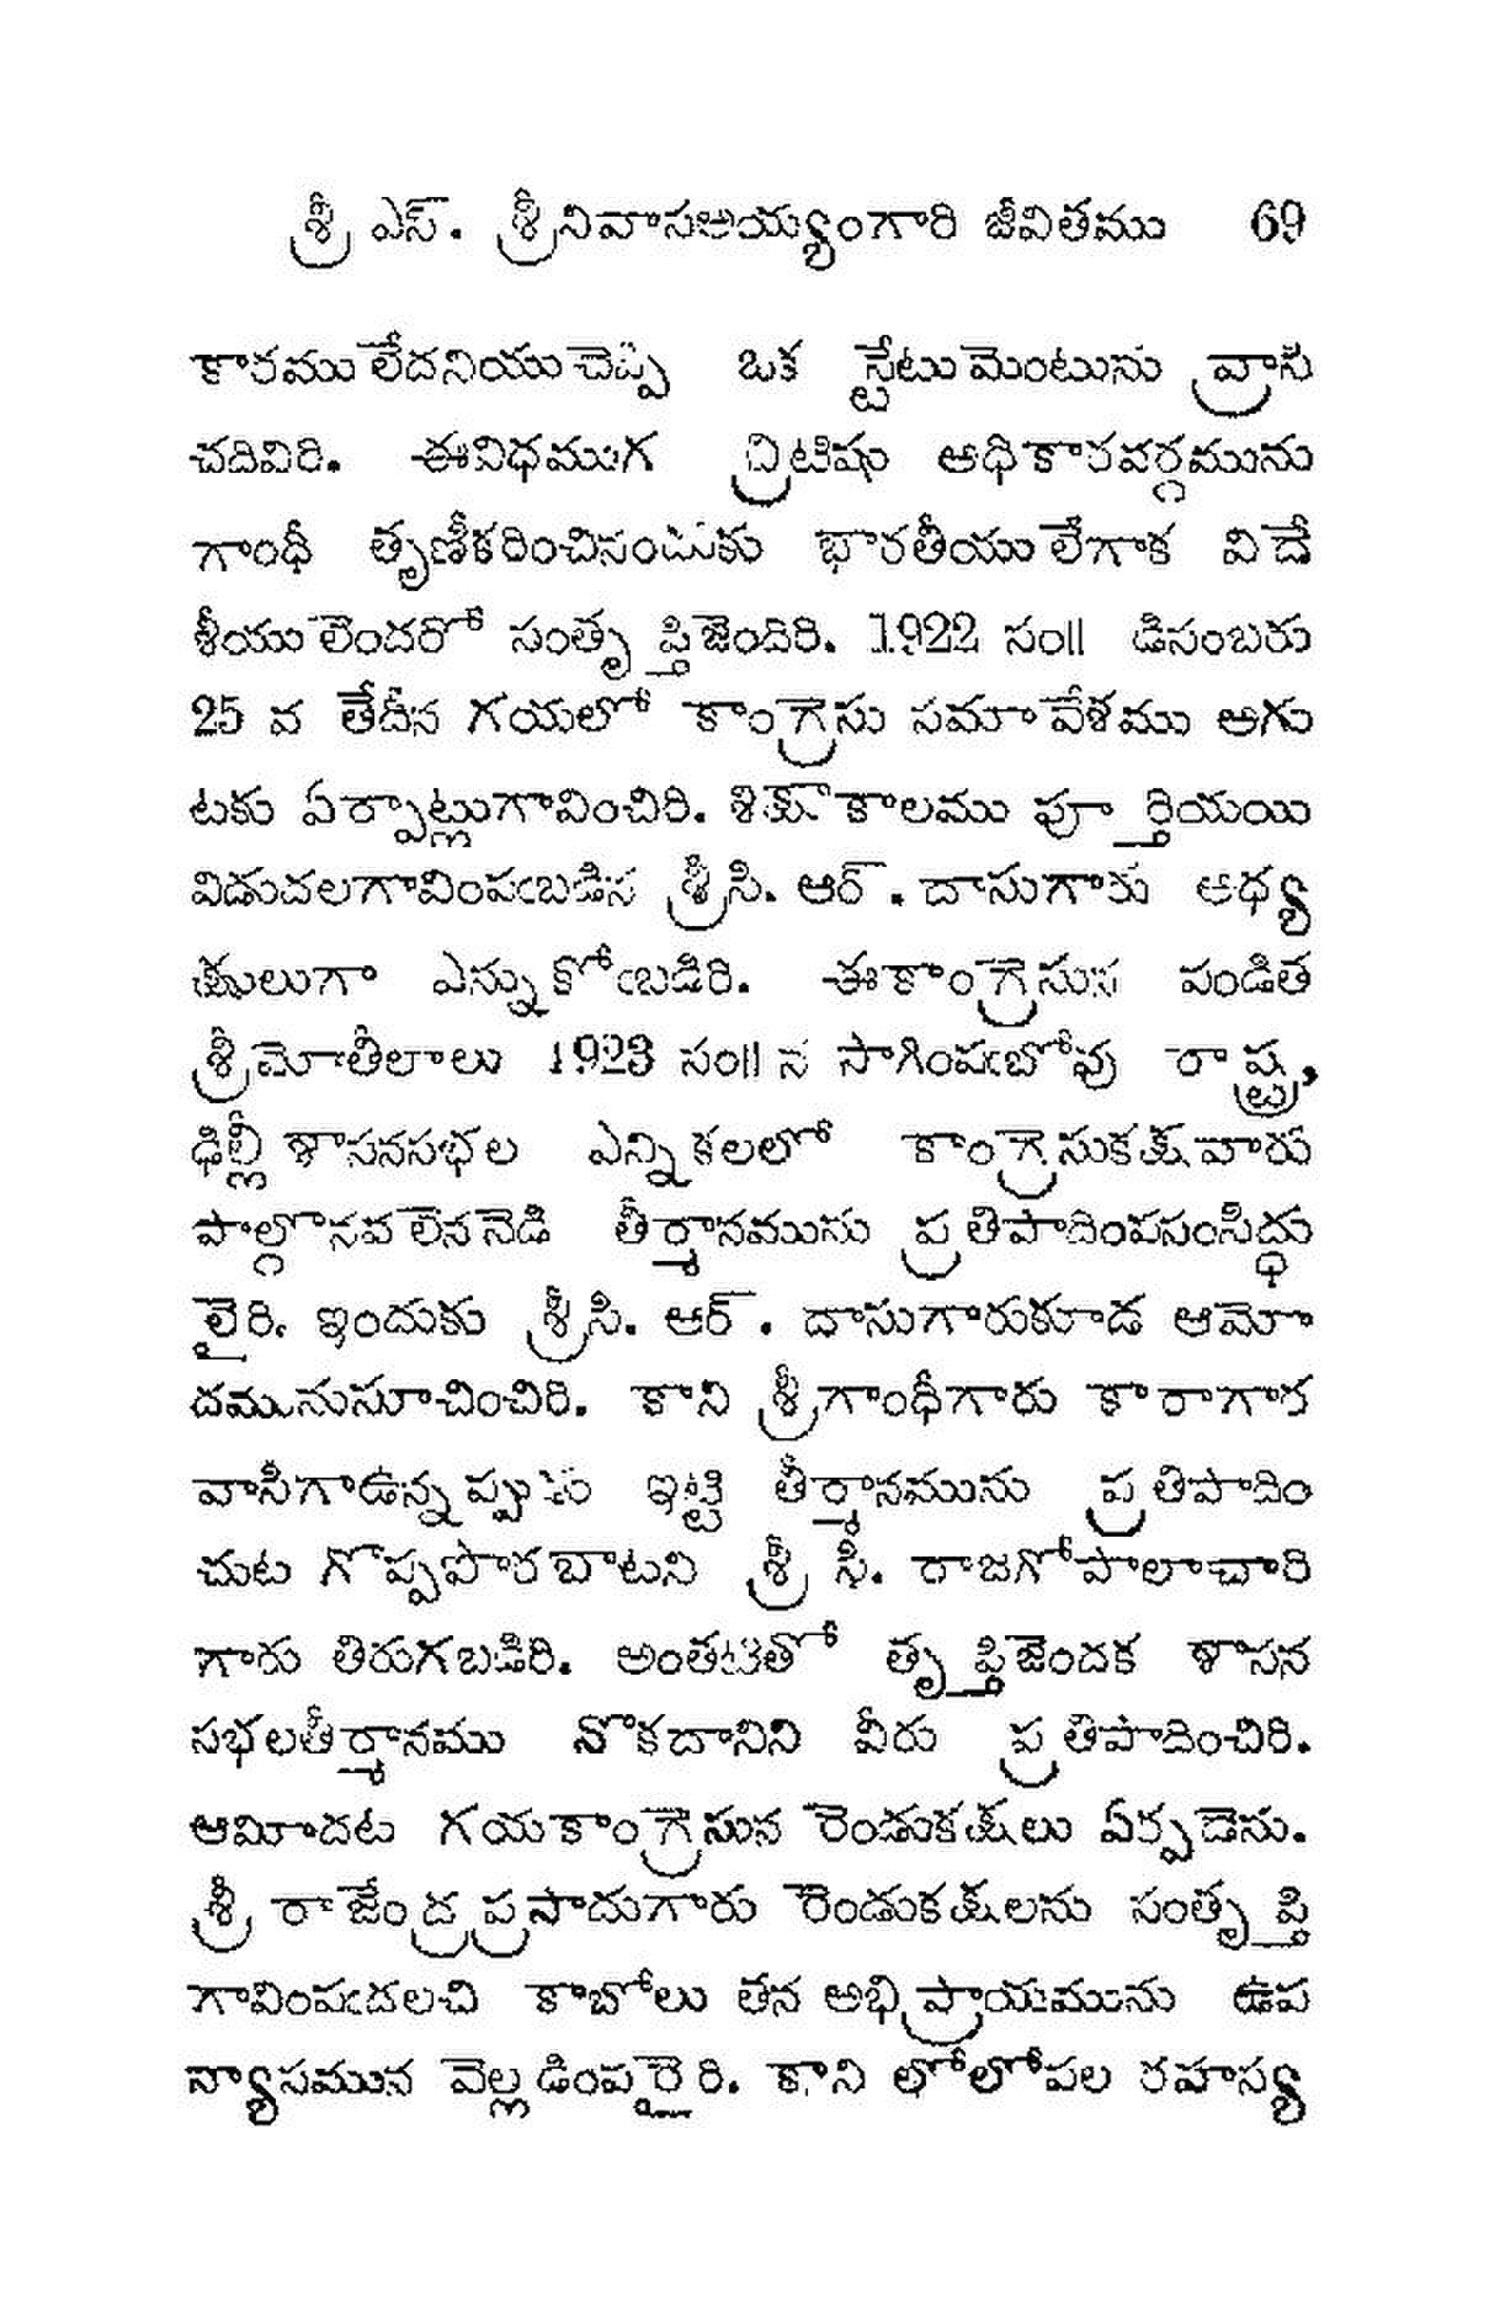కారములేదనియుచెప్పి ఒక స్టేటుమెంటును వ్రాసి చదివిరి. ఈవిధముగ బ్రిటిషు ఆధికారవర్గమును గాంధీ తృణీకరించినందుకు భారతీయులేగాక విదేశీయు లెందరో సంతృప్తిజెందిరి. 1922 సం|| డిసంబరు 25 వ తేదీన గయలో కాంగ్రెసు సమావేశము అగుటకు ఏర్పాట్లుగావించిరి. శిక్షాకాలము పూర్తియయి విడుదలగావింపఁబడిన శ్రీ సి. ఆర్. దాసుగారు ఆధ్యక్షులుగా ఎన్నుకోఁబడిరి. ఈకాంగ్రెసున పండిత శ్రీమోతీలాలు 1923 సం!! న సాగింపఁబోవు రాష్ట్ర, ఢిల్లీ శాసనసభల ఎన్నికలలో కాంగ్రెసుకక్షవారు పాల్గొనవలెననెడి తీర్మానమును ప్రతిపాదింపసంసిద్ధులైరి. ఇందుకు శ్రీ సి. ఆర్ . దాసుగారుకూడ ఆమోదమునుసూచించిరి. కాని శ్రీగాంధీగారు కారాగారవాసీగాఉన్నప్పుడు ఇట్టి తీర్మానమును ప్రతిపాదించుట గొప్పపొరబాటని శ్రీ సి. రాజగోపాలాచారిగారు తిరుగబడిరి. అంతటితో తృప్తిజెందక శాసనసభలతీర్మానము నొకదానిని వీరు ప్రతిపాదించిరి. ఆమీదట గయకాంగ్రెసున రెండుకక్షలు ఏర్పడెను. శ్రీ రాజేంద్రప్రసాదు గారు రెండుకక్షలను సంతృప్తి గావింపఁదలచి కాబోలు తన అభిప్రాయమును ఉపన్యాసమున వెల్లడింపరైరి. కాని లోలోపల రహస్య